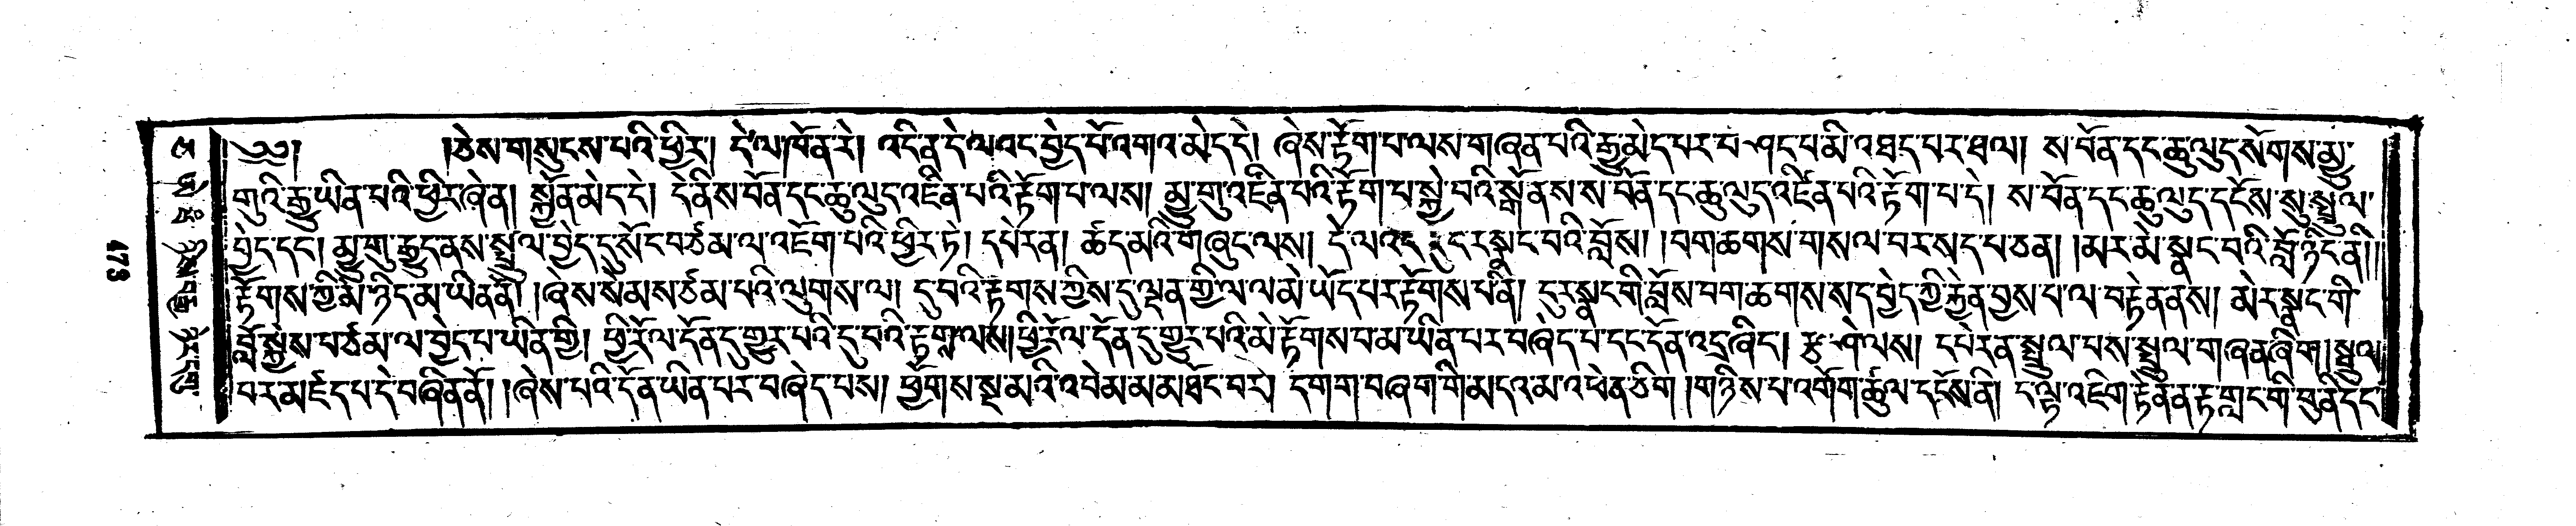༄༅། །ཅེས་གསུངས་པའི་ཕྱིར། དེ་ལ་ཁོ་ན་རེ། འདི་ན་དེ་ལའང་བྱེད་པོ་འགའ་མེད་དེ། ཞེས་རྟོག་པ་ལས་གཞན་པའི་རྒྱུ་མེད་པར་བཤད་པ་མི་འཐད་པར་ཐལ། ས་བོན་དང་ཆུ་ལུད་སོགས་མྱུ་
གུའི་རྒྱུ་ཡིན་པའི་ཕྱིར་ཞེ་ན། སྐྱོན་མེད་དེ། དེ་ནི་ས་བོན་དང་ཆུ་ལུད་འཛིན་པའི་རྟོག་པ་ལས། མྱུ་གུ་འཛིན་པའི་རྟོག་པ་སྐྱེ་བའི་སྒོ་ནས་ས་བོན་དང་ཆུ་ལུད་འཛིན་པའི་རྟོག་པ་དེ། ས་བོན་དང་ཆུ་ལུད་དངོས་སུ་སྤྲུལ་
བྱེད་དང་། མྱུ་གུ་རྒྱུད་ནས་སྤྲུལ་བྱེད་དུ་སོང་བ་ཙམ་ལ་འཇོག་པའི་ཕྱིར་ཏེ། དཔེར་ན། ཚད་མའི་གཞུང་ལས། དེ་ལའང་དུ་བར་སྣང་བའི་བློས། །བག་ཆགས་གསལ་བར་སད་པ་ཅན། །མར་མེ་སྣང་བའི་བློ་ཉིད་ནི།།
རྟོགས་ཀྱི་མེ་ཉིད་མ་ཡིན་ནོ། །ཞེས་སེམས་ཙམ་པའི་ལུགས་ལ། །དུ་བའི་རྟགས་ཀྱིས་དུ་ལྡན་གྱི་ལ་ལ་མེ་ཡོད་པར་རྟོགས་པ་ནི། དུར་སྣང་གི་བློས་བག་ཆགས་སད་བྱེད་ཀྱི་རྐྱེན་བྱས་པ་ལ་བརྟེན་ནས། མེར་སྣང་གི་
བློ་སྐྱེས་པ་ཙམ་ལ་བྱེད་པ་ཡིན་གྱི། ཕྱི་རོལ་དོན་དུ་གྱུར་པའི་དུ་བའི་རྟགས་ལས། ཕྱི་རོལ་དོན་དུ་གྱུར་པའི་མེ་རྟོགས་པ་མ་ཡིན་པར་བཞེད་པ་དང་དོན་འདྲ་ཞིང་། རྩ་ཤེ་ལས། དཔེར་ན་སྤྲུལ་པས་སྤྲུལ་གཞན་ཞིག །སྤྲུལ་
པར་མཛད་པ་དེ་བཞིན་ནོ། །ཞེས་པའི་དོན་ཡིན་པར་བཞེད་པས། ཕྱོགས་སྔ་མའི་འབེམ་མ་མཐོང་བར། དགག་བཞག་གི་མདའ་མ་འཕེན་ཅིག །གཉིས་པ་འགོག་ཚུལ་དངོས་ནི། ད་ལྟ་འཇིག་རྟེན་ན་རྟ་གླང་གི་བུ་ནི་དང་